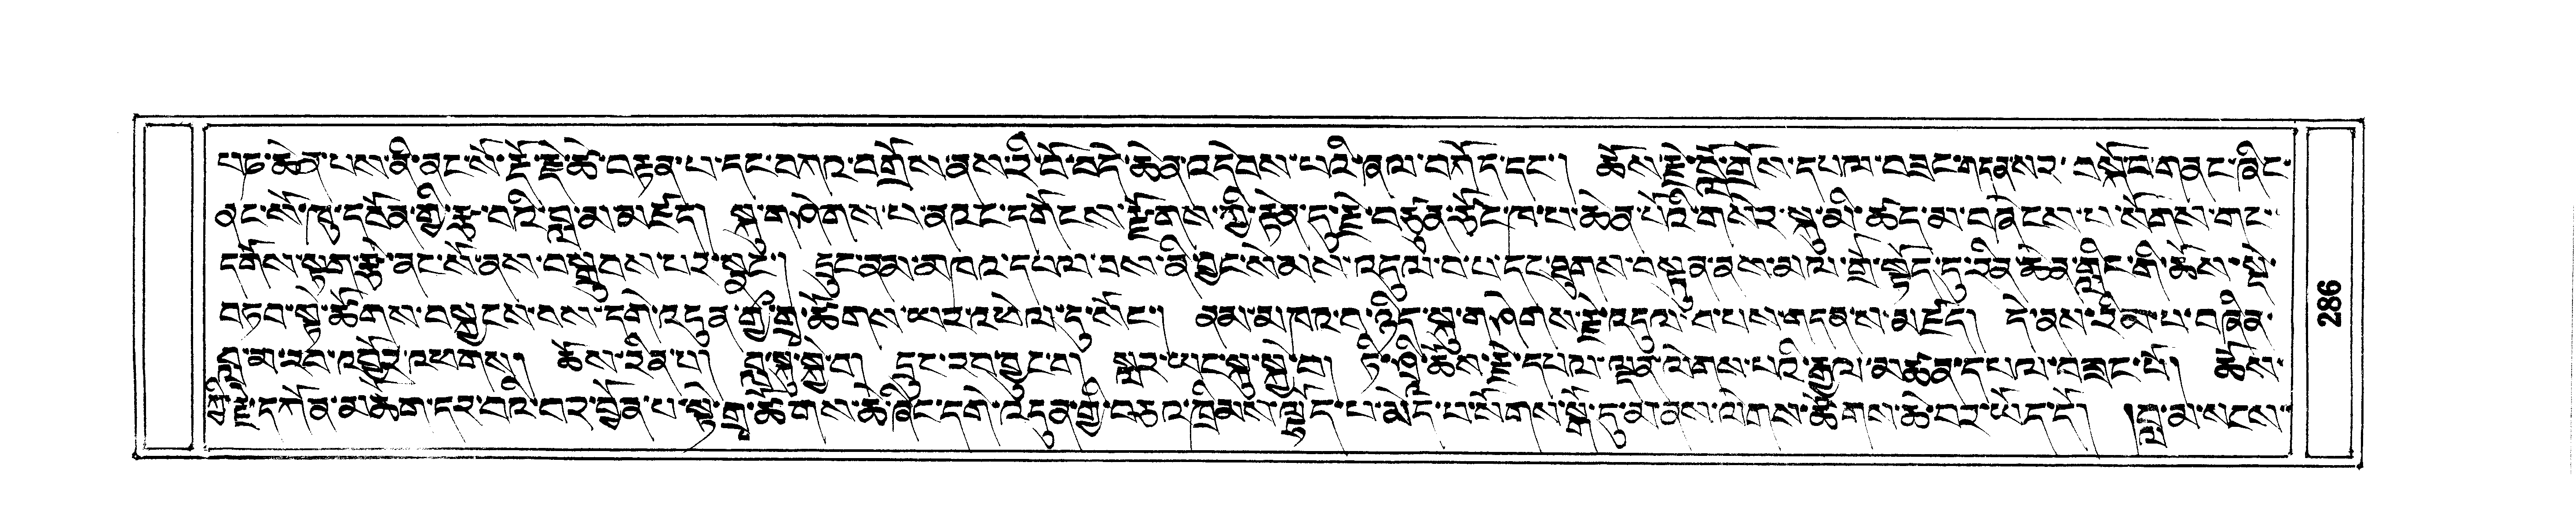པཎ་ཆེན་པས་ནི་ནང་སོ་རྡོ་རྗེ་ཚེ་བརྟན་པ་དང་བཀའ་བགྲོས་ནས་རི་བོ་བདེ་ཆེན་འདེབས་པའི་ཞལ་བཀོད་དང་། ཆོས་རྗེ་བློ་གྲོས་དཔལ་བཟང་གདན་སར་བསྐོ་བ་གནང་ཞིང་
ནང་སོ་ཁུ་དབོན་གྱི་རྩ་བའི་བླ་མ་མཛད། སྐུ་གཤེགས་པ་ནའང་། དགོངས་རྫོགས་ཀྱི་རྟེན་དུ་རྗེ་བཙུན་ཙོང་ཁ་པ་ཆེན་པོའི་གསེར་སྐུ་མི་ཚད་མ་བཞེངས་པ་སོགས་གང་
དགོས་སྟག་རྩེ་ནང་སོ་ནས་བསྒྲུབས་པར་སྣང་། དྲུང་ནམ་མཁའ་དཔལ་བས་ནི་བྱང་སེམས་འདུལ་བ་པ་དང་ཐུགས་བསྟུན་ནས་མལ་གྲོ་སྟོད་དུ་རིན་ཆེན་གླིང་གི་ཆོས་སྡེ་
བཏབ་སྟེ་ཚོགས་བསྐྱངས་བས་དགེ་འདུན་གྱྀ་གྲྭ་ཚོགས་ཡར་འཕེལ་དུ་སོང་། ནམ་མཁའ་བ་ཉིད་སྐུ་གཤེགས་རྗེ་འདུལ་བ་པས་གདན་ས་མཛད། དེ་ནས་རིམ་པ་བཞིན་
བླ་མ་རབ་འབྱོར་འཕགས། ཆོས་རིན་པ། བླ་སྐུ་སྐྱེ་བ། དྲུང་རབ་བྱུང་བ། སླར་ཡང་སྐུ་སྐྱེ་བ། ཏི་ཤྲཱི་ཆོས་རྗེ་དཔལ་ལྡན་ལེགས་པའི་རྒྱལ་མཚན་དཔལ་བཟང་པོ། ཆོས་
ཀྱི་རྗེ་དཀོན་མཆོག་དར་བའི་བྱོན་པ་སྟེ་གྲྭ་ཚོགས་ཆེ་ཞིང་དགེ་འདུན་གྱི་བཅའ་ཁྲིམས་ལྷོད་པ་མེད་པ་སོགས་སྒོ་དུ་མ་ནས་ལེགས་ཚོགས་ཆེ་བར་ཡོད་དོ། །བླ་མ་སངས་